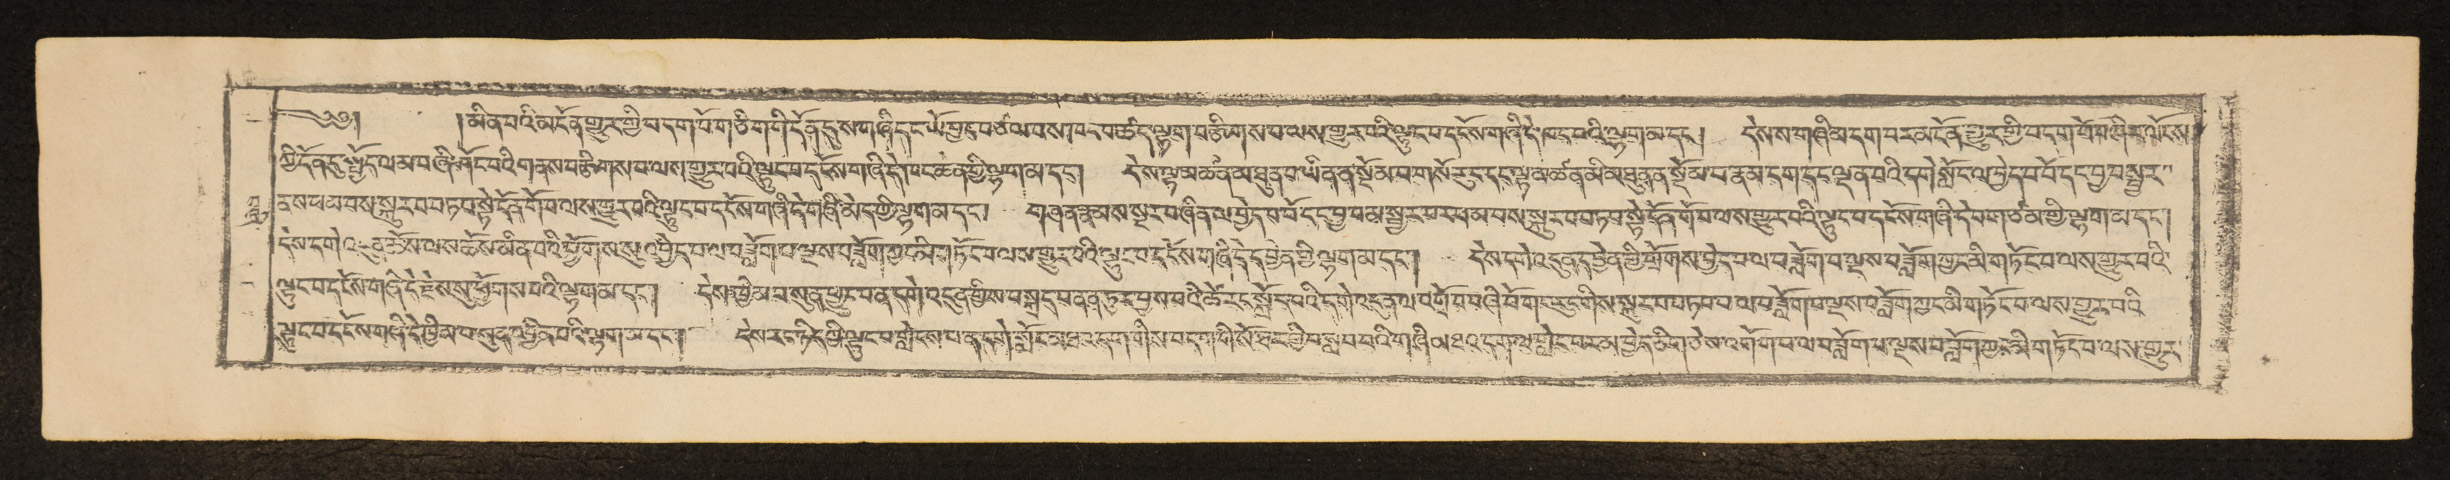༄༅། །མིན་པའི་མངོན་གྱུར་གྱི་བདག་པོ་གཅིག་གི་དོན་དུ་ས་གཞི་དང་ཡོ་བྱང་བཙལ་བས་ཁང་པ་ཚད་ལྷག་བརྩིགས་པ་ལས་གྱུར་བའི་ལྟུང་བ་དངོས་གཞི་དེ་ཁང་བའི་ལྟག་མ་དང་། དེས་ས་གཞི་མ་དག་པར་མངོན་གྱུར་གྱི་བདག་པོ་བཞིར་ལོངས་
ཀྱི་དོན་དུ་སྤྱོད་ལམ་བཞི་ཤོང་བའི་གནས་བརྩིགས་པ་ལས་གྱུར་པའི་ལྟུང་བ་དངོས་གཞི་དེ་ཁང་ཆེན་གྱི་ལྷག་མ་དང་། དེས་ལྟ་མཚན་མཐུན་པ་ཡིན་ན་སྔོམ་པ་གསོ་རུང་དང་ལྟ་མཚན་མི་མཐུན་ན་སྡོམ་པ་རྣམ་དག་དང་ལྡན་པའི་དགེ་སློང་ལ་བྱེད་བ་པོ་དང་བྱ་བ་སྦྱར་
ནས་ཕམ་པས་སྐུར་བ་བཏབ་སྟེ་དོན་གོ་བ་ལས་གྱུར་བའི་ལྟུང་བ་དངོས་གཞི་དེ་གཞི་མེད་ཀྱི་ལྷག་མ་དང་། གཞན་རྣམས་སྔར་བཞིན་ལ་བྱེད་པ་པོ་དང་བྱ་བ་མ་སྦྱར་བར་ཕམ་པས་སྐུར་བ་བཏབ་སྟེ་དོན་གོ་བ་ལས་གྱུར་བའི་ལྟུང་བ་དངོས་གཞི་དེ་བག་ཙམ་གྱི་ལྷག་པ་དང་།
དེས་དགེ་འདུན་ཆོས་ལས་ཆོས་མིན་པའི་ཕྱོགས་སུ་འབྱེད་པ་ལ་བཟློག་པ་ལྔས་བཟློག་ཀྱང་མི་གཏོང་བ་ལས་གྱུར་བའི་ལྟུང་བ་དངོས་གཞི་དེ་དབྱེན་གྱི་ལྷག་མ་དང་། དེས་དགེ་འདུན་དབྱེན་གྱི་གྲོགས་བྱེད་པ་ལ་བཟློག་པ་ལྔས་བཟློག་ཀྱང་མི་གཏོང་བ་ལས་གྱུར་བའི་
ལྟུང་བ་དངོས་གཞི་དེ་རྗེས་སུ་ཕྱོགས་པའི་ལྷག་མ་དང་། དེས་ཁྱིམ་པ་སུན་ཕྱུང་བ་ན་དགེ་འདུན་གྱིས་བསྐྲད་པ་ནན་ཏུར་བྱས་པའི་ཚེ་རང་སྐྲོད་པའི་དགེ་འདུན་ལ་འགྲོ་བ་བཞི་པོ་གང་རུང་གིས་སྐུར་བ་བཏབ་པ་ལ་བཟློག་པ་ལྔས་བཟློག་ཀྱང་མི་གཏོང་བ་ལས་གྱུར་བའི་
ལྟུང་བ་དངོས་གཞི་དེ་ཁྱིམ་པ་སུན་འབྱིན་པའི་ལྷག་མ་དང་། དེས་རང་ཉིད་ཀྱི་ལྟུང་བ་གླེངས་པ་ན་དགེ་སློང་མཐའ་དག་གིས་བདག་གི་སོ་ཐར་གྱི་བསླབ་པའི་གཞི་མཐའ་དག་ལ་གླེང་བར་མ་བྱེད་ཅིག་ཅེས་འགོག་པ་ལ་བཟློག་པ་ལྔས་བཟློག་ཀྱང་མི་གཏོང་བ་ལས་གྱུར་